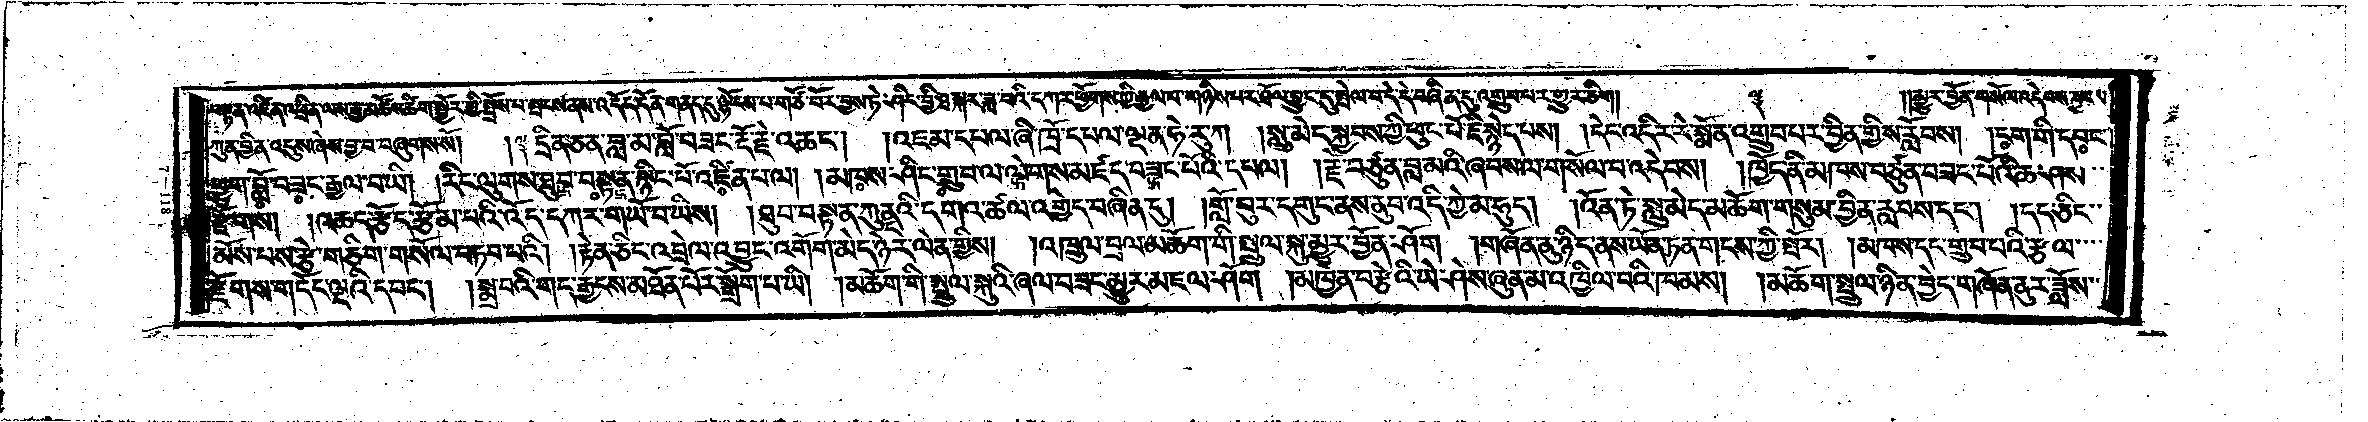བསྟན་འཛིན་འཕྲིན་ལས་རྒྱ་མཚོས་ཚིག་སྦྱོར་གྱི་སྤྲོས་པ་སྤངས་ནས་འདོད་དོན་གནད་དུ་ལྷོངས་པ་གཙོ་བོར་བྱས་ཏེ་ཤིང་བྱི་ཐ་སྐར་ཟླ་བའི་དཀར་ཕྱོགས་ཀྱི་རྒྱལ་བ་གཉིས་པར་ཐོལ་བྱུང་དུ་སྤེལ་བདེ་དེ་བཞིན་དུ་འགྲུབ་པར་གྱུར་ཅིག ༈ །།མྱུར་བྱོན་གསོལ་འདེབས་སྐྱབས་
ཀུན་བྱིན་འདུས་ཞེས་བྱ་བ་བཞུགས་སོ། ། ༈ དྲིན་ཅན་བླ་མ་བློ་བཟང་རྡོ་རྗེ་འཆང་། །འཇམ་དཔལ་ཞི་ཁྲོ་དཔལ་ལྡན་ཧེ་རུ་ཀ །སླུ་མེད་སྐྱབས་ཀྱི་ཕུང་པོ་ཇི་སྙེད་པས། །དེང་འདིར་རེ་སྨོན་འགྲུབ་པར་བྱིན་གྱིས་རློབས། །ངག྾་གི་དབང྾་
ཕྱུག་བློ྾་བཟང྾་རྒྱལ་བ་ཡི། །རིང་ལུགས་ཐུབ་བསྟན་སྙིང་པོ་འཛིན྾་པ་ལ། །མཁས྾་ཤིང་གྲུབ྾་ལ་ལེགས་མཛད་བཟང་པོའི་དཔལ། །རྗེ་བཙུན་བླ་མའི་ཞབས་ལ་གསོལ་བ་འདེབས། །ཁྱོད་ནི་མཁས་བཙུན་བཟང་པོའི་ཆ་ཤས་
རྫོགས། །ཆད་རྩོད་རྩོམ་པའི་འོད་དཀར་གཡོ་བ་ཡིས། །ཐུབ་བསྟན་ཀུནྡའི་དགའ་ཚལ་བའི་འགྱེད་བཞིན་དུ། །གློ་བུར་དགུང་ནས་ནུབ་འདི་ཀྱེ་མ་ཧུད། །འོན་ཏེ་སླུ་མེད་མཆོག་གསུམ་བྱིན་རླབས་དང་། །དད་ཅིང་
མོས་པས་རྩེ་གཅིག་གསོལ་བཏབ་པའི། །རྟེན་ཅིང་འབྲེལ་འབྱུང་འགོག་མེད་ཉེར་ལེན་གྱིས། །འཁྲུལ་བྲལ་མཆོག་གི་སྤྲུལ་སྐུ་མྱུར་བྱོན་ཤོག །གཞོན་ནུ་ཉིད་ནས་ཡོན་ཏན་གངས་ཀྱི་སྤོར། །མཁས་དང་གྲུབ་པའི་རྩལ་
རྫོགས་གདོང་ལྔའི་དབང་། །སྨྲ་བའི་གང་རྒྱངས་མཐོན་པོར་སྒྲོག་པ་ཡི། །མཆོག་གི་སྤྲུལ་སྐུའི་ཞལ་བཟང་མྱུར་མཇལ་ཤོག །མཁྱེན་བརྩེའི་ཡེ་ཤེས་ཞུན་མ་འཁྱིལ་བའི་ཁམས། །མཆོག་སྤྲུལ་ཉིན་བྱེད་གཞོན་ནུར་ཟློས་